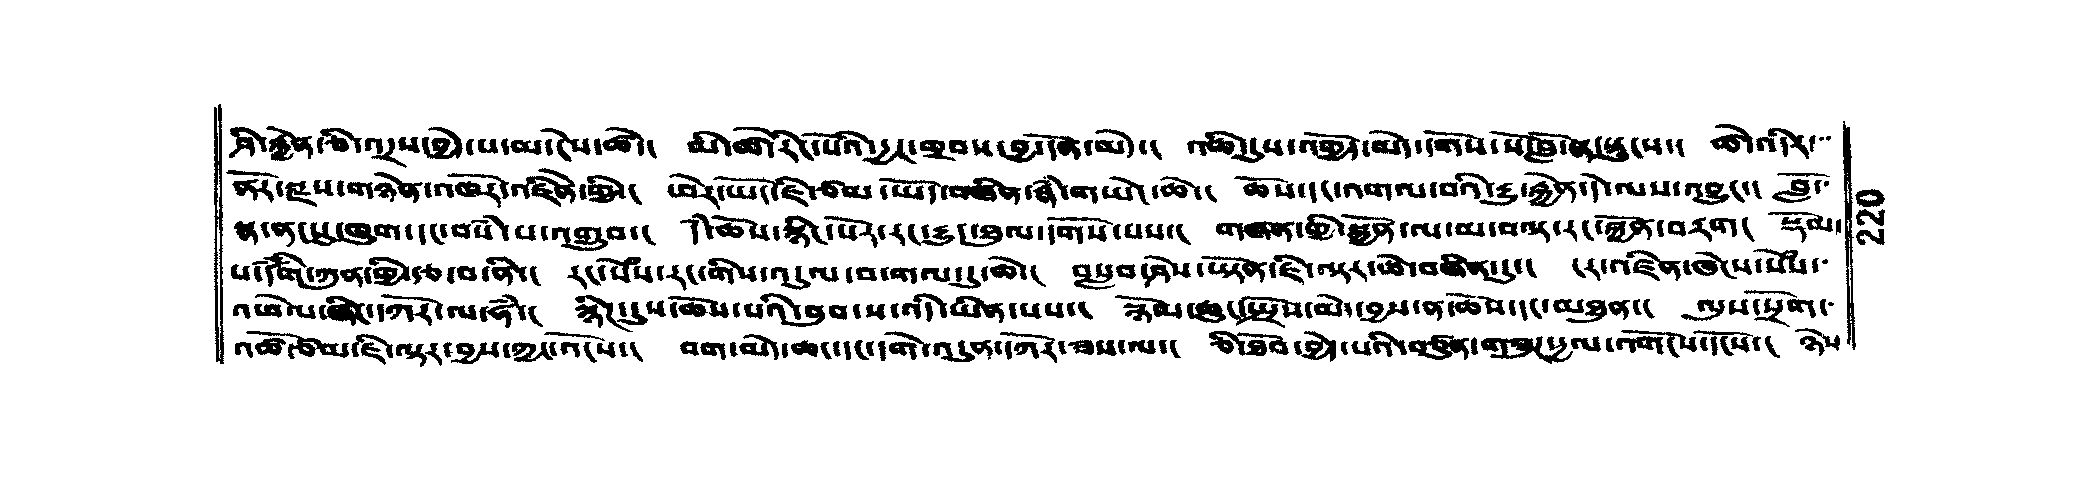།ཤི་རྐྱེན་ཅི་འདྲས་བྱེད་པ་མ་ངེས་ཚེ། །མི་ཚེ་རིང་པོའི་རྒྱགས་གྲབས་བྱ་དོན་མེད། །འཆི་དུས་འགྱོད་མེད་དགོས་སོ་བློ་ན་སྟུངས། །ཚེ་འདིར་
ནོར་རྫས་གཉེན་འཁོར་འཇིག་རྟེན་གྱི། །ཕེར་ཡོ་ཇི་ཙམ་ཡོད་བཞིན་རྣམ་གཡེང་ཆེ། །ཆོས་དང་འགལ་བའི་རྒྱུ་རྐྱེན་དེ་ལས་འབྱུང་། །བློ་
སྣ་ནང་དུ་ཁུག་དང་བསམ་པ་འགྲུབ། །དམ་ཆོས་སྙིང་པོར་རང་རྒྱུད་ཐུལ་དགོས་པས། །གཞན་གྱི་སྐྱོན་ལ་མ་བལྟ་རང་སྐྱོང་བརྟག །སྡོམ་
པ་དམ་ཚིག་ཀུན་གྱི་རྩ་བ་ནི། །རང་སེམས་རང་གིས་འདུལ་བ་གལ་དུ་ཆེ། །བསླབ་ཤེས་ཡོན་ཏན་ཇི་ལྟར་ཆེ་བཞིན་དུ། །ངར་འཛིན་ཁེངས་སེམས་
འཕེལ་ཞིང་དཀོར་ལ་ཧམ། །སྙིགས་དུས་ཆོས་པའི་བུབ་ས་འདི་ཡིན་པས། །སྙོམ་ཆུང་སྤྲོས་མེད་བྱས་ན་ཆོས་དང་མཐུན། །ལུས་སྲོག་
འཚོ་ཙམ་ཇི་ལྟར་བྱས་ཀྱང་འོངས། །བག་མེད་ཆང་དང་དགེ་འདུན་དཀོར་ཟས་ལ། །ཅི་ཐོབ་བྱེད་པའི་བཙུན་གཟུགས་རྒྱལ་འགོང་དངོས། །ཉེས་